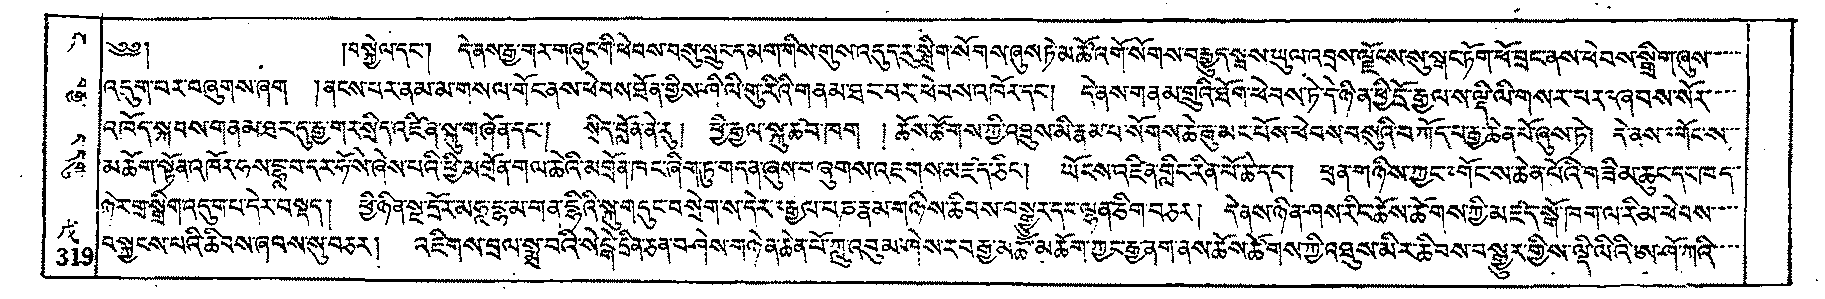༄༅། །བསྐྱེལ་དང་། དེ་ནས་རྒྱ་གར་གཞུང་གི་ཕེབས་བསུ་སྲུང་དམག་གིས་གུས་འདུད་རུ་སྒྲིག་སོགས་ཞུས་ཏེ་མཚོ་འགོ་སོགས་བརྒྱུད་སྦས་ཡུལ་འབྲས་ལྗོངས་སུ་སྒང་ཏོག་ཕོ་བྲང་ནས་ཕེབས་སྒྲིག་ཞུས་
འདུག་པར་བཞུགས་ཞག །ནངས་པར་ནམ་མ་གསལ་གོང་ནས་ཕེབས་ཐོན་གྱིས་ཤི་ལི་གུ་རིའི་གནམ་ཐང་བར་ཕེབས་འཁོར་དང་། དེ་ནས་གནམ་གྲུའི་ཐོག་ཕེབས་ཏེ་དེ་ཉིན་ཕྱི་དྲོ་རྒྱལ་ས་ལྡི་ལི་གསར་པར་༧ཞབས་སོར་
འཁོད་སྐབས་གནམ་ཐང་དུ་རྒྱ་གར་སརཀད་འཛིན་སྐུ་གཞོན་དང་། སྲིད་བློན་ནེ་རུ། ཕྱི་རྒྱལ་སྐུ་ཚབ་ཁག །ཆོས་ཚོགས་ཀྱི་འཐུས་མི་རྣམ་པ་སོགས་ཆེ་རྒུ་མང་པོས་ཕེབས་བསུའི་བཀོད་པ་རྒྱ་ཆེན་པོ་ཞུས་ཏེ། དེ་ནས་༧གོང་ས་
མཆོག་སྟོན་འཁོར་ཧས་དྷཱ་བ་དར་ཧོ་སེ་ཞེས་པའི་ཕྱི་མགྲོན་གལ་ཆེའི་མགྲོན་ཁང་ཞིག་ཏུ་གདན་ཞུས་བཞུགས་འཇགས་མཛད་ཅིང་། ཡོངས་འཛིན་གླིང་རིན་པོ་ཆེ་དང་། ཕྲན་གཉིས་ཀྱང་༧གོང་ས་ཆེན་པོའི་གཟིམ་ཆུང་དང་ཁད་
ཉེར་གྲ་སྒྲིག་འདུག་པ་དེར་བསྡད། ཕྱི་ཉིན་སྔ་དྲོར་མཧཱ་དྷ་མ་གན་དྷིའི་སྐུ་གདུང་བསྲེག་ས་དེར་༧རྒྱལ་པཎ་རྣམ་གཉིས་ཆིབས་བསྒྱུར་དང་ལྷན་ཅིག་བཅར། དེ་ནས་ཉིན་ཤས་རིང་ཆོས་ཚོགས་ཀྱི་མཛད་སྒོ་ཁག་ལ་རིམ་ཕེབས་
བསྐྱངས་པའི་ཆིབས་ཞབས་སུ་བཅར། འཇིགས་བྲལ་སྨྲ་བའི་སེངྒེ་དྲིན་ཅན་བཤེས་གཉེན་ཆེན་པོ་ཀླུ་འབུམ་ཤེས་རབ་རྒྱ་མཚོ་མཆོག་ཀྱང་རྒྱ་ནག་ནས་ཆོས་ཚོགས་ཀྱི་འཐུས་མིར་ཆིབས་བསྒྱུར་གྱིས་ལྡི་ལིའི་ཨ་ཤོ་ཀའི་